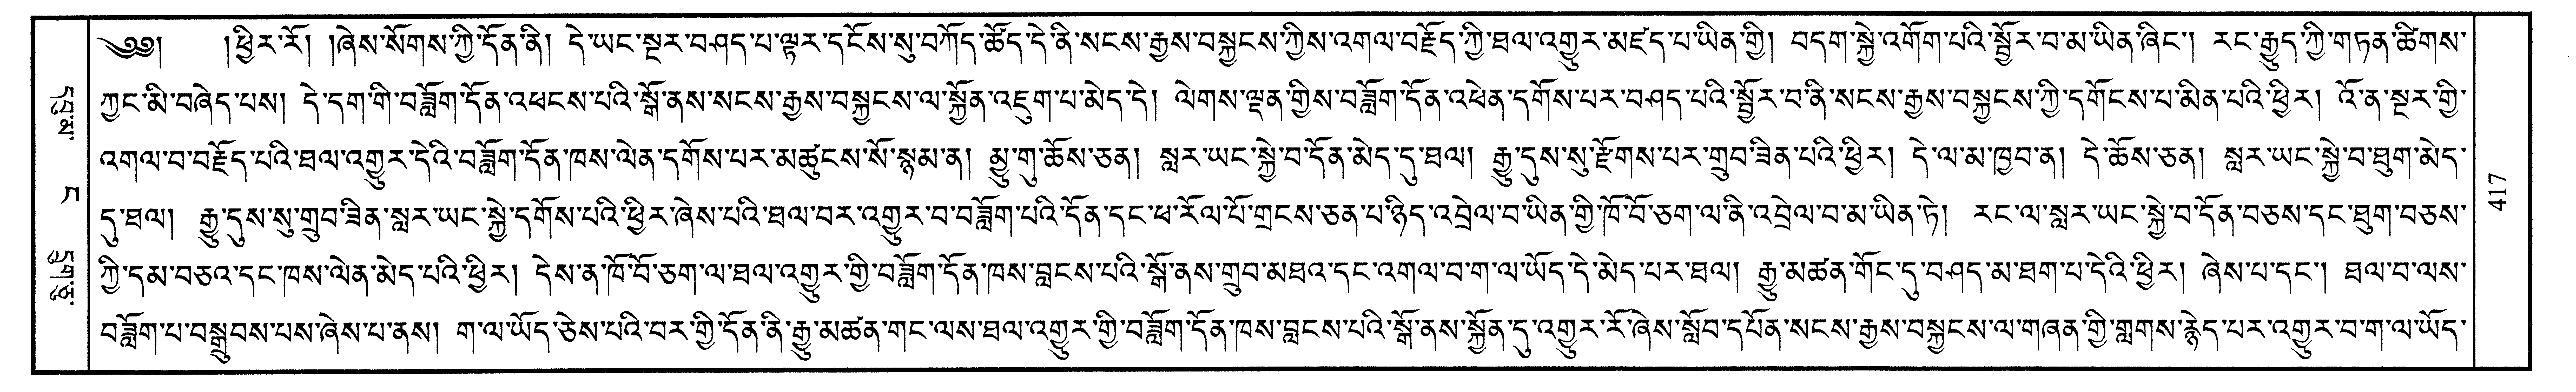༄༅། །ཕྱིར་རོ། །ཞེས་སོགས་ཀྱི་དོན་ནི། །དེ་ཡང་སྔར་བཤད་པ་ལྟར་དངོས་སུ་བཀོད་ཚོད་དེ་ནི་སངས་རྒྱས་བསྐྱངས་ཀྱིས་འགལ་བརྗོད་ཀྱི་ཐལ་འགྱུར་མཛད་པ་ཡིན་གྱི། བདག་སྐྱེ་འགོག་པའི་སྦྱོར་བ་མ་ཡིན་ཞིང་། རང་རྒྱུད་ཀྱི་གཏན་ཚིགས་
ཀྱང་མི་བཞེད་པས། དེ་དག་གི་བཟློག་དོན་འཕངས་པའི་སྒོ་ནས་སངས་རྒྱས་བསྐྱངས་ལ་སྐྱོན་འཇུག་པ་མེད་དེ། ལེགས་ལྡན་གྱིས་བཟློག་དོན་འཕེན་དགོས་པར་བཤད་པའི་སྦྱོར་བ་ནི་སངས་རྒྱས་བསྐྱངས་ཀྱི་དགོངས་པ་མིན་པའི་ཕྱིར། འོ་ན་སྔར་གྱི་
འགལ་བ་བརྗོད་པའི་ཐལ་འགྱུར་དེའི་བཟློག་དོན་ཁས་ལེན་དགོས་པར་མཚུངས་སོ་སྙམ་ན། མྱུ་གུ་ཆོས་ཅན། སླར་ཡང་སྐྱེ་བ་དོན་མེད་དུ་ཐལ། རྒྱུ་དུས་སུ་རྫོགས་པར་གྲུབ་ཟིན་པའི་ཕྱིར། དེ་ལ་མ་ཁྱབ་ན། དེ་ཆོས་ཅན། སླར་ཡང་སྐྱེ་བ་ཐུག་མེད་
དུ་ཐལ། རྒྱུ་དུས་སུ་གྲུབ་ཟིན་སླར་ཡང་སྐྱེ་དགོས་པའི་ཕྱིར་ཞེས་པའི་ཐལ་བར་འགྱུར་བ་བཟློག་པའི་དོན་དང་ཕ་རོལ་པོ་གྲངས་ཅན་པ་ཉིད་འབྲེལ་བ་ཡིན་གྱི་ཁོ་བོ་ཅག་ལ་ནི་འབྲེལ་བ་མ་ཡིན་ཏེ། རང་ལ་སླར་ཡང་སྐྱེ་བ་དོན་བཅས་དང་ཐུག་བཅས་
ཀྱི་དམ་བཅའ་དང་ཁས་ལེན་མེད་པའི་ཕྱིར། དེས་ན་ཁོ་བོ་ཅག་ལ་ཐལ་འགྱུར་གྱི་བཟློག་དོན་ཁས་བླངས་པའི་སྒོ་ནས་གྲུབ་མཐའ་དང་འགལ་བ་ག་ལ་ཡོད་དེ་མེད་པར་ཐལ། རྒྱུ་མཚན་གོང་དུ་བཤད་མ་ཐག་པ་དེའི་ཕྱིར། ཞེས་པ་དང་། ཐལ་བ་ལས་
བཟློག་པ་བསྒྲུབས་པས་ཞེས་པ་ནས། ག་ལ་ཡོད་ཅེས་པའི་བར་གྱི་དོན་ནི་རྒྱུ་མཚན་གང་ལས་ཐལ་འགྱུར་གྱི་བཟློག་དོན་ཁས་བླངས་པའི་སྒོ་ནས་སྐྱོན་དུ་འགྱུར་རོ་ཞེས་སློབ་དཔོན་སངས་རྒྱས་བསྐྱངས་ལ་གཞན་གྱི་གླགས་རྙེད་པར་འགྱུར་བ་ག་ལ་ཡོད་